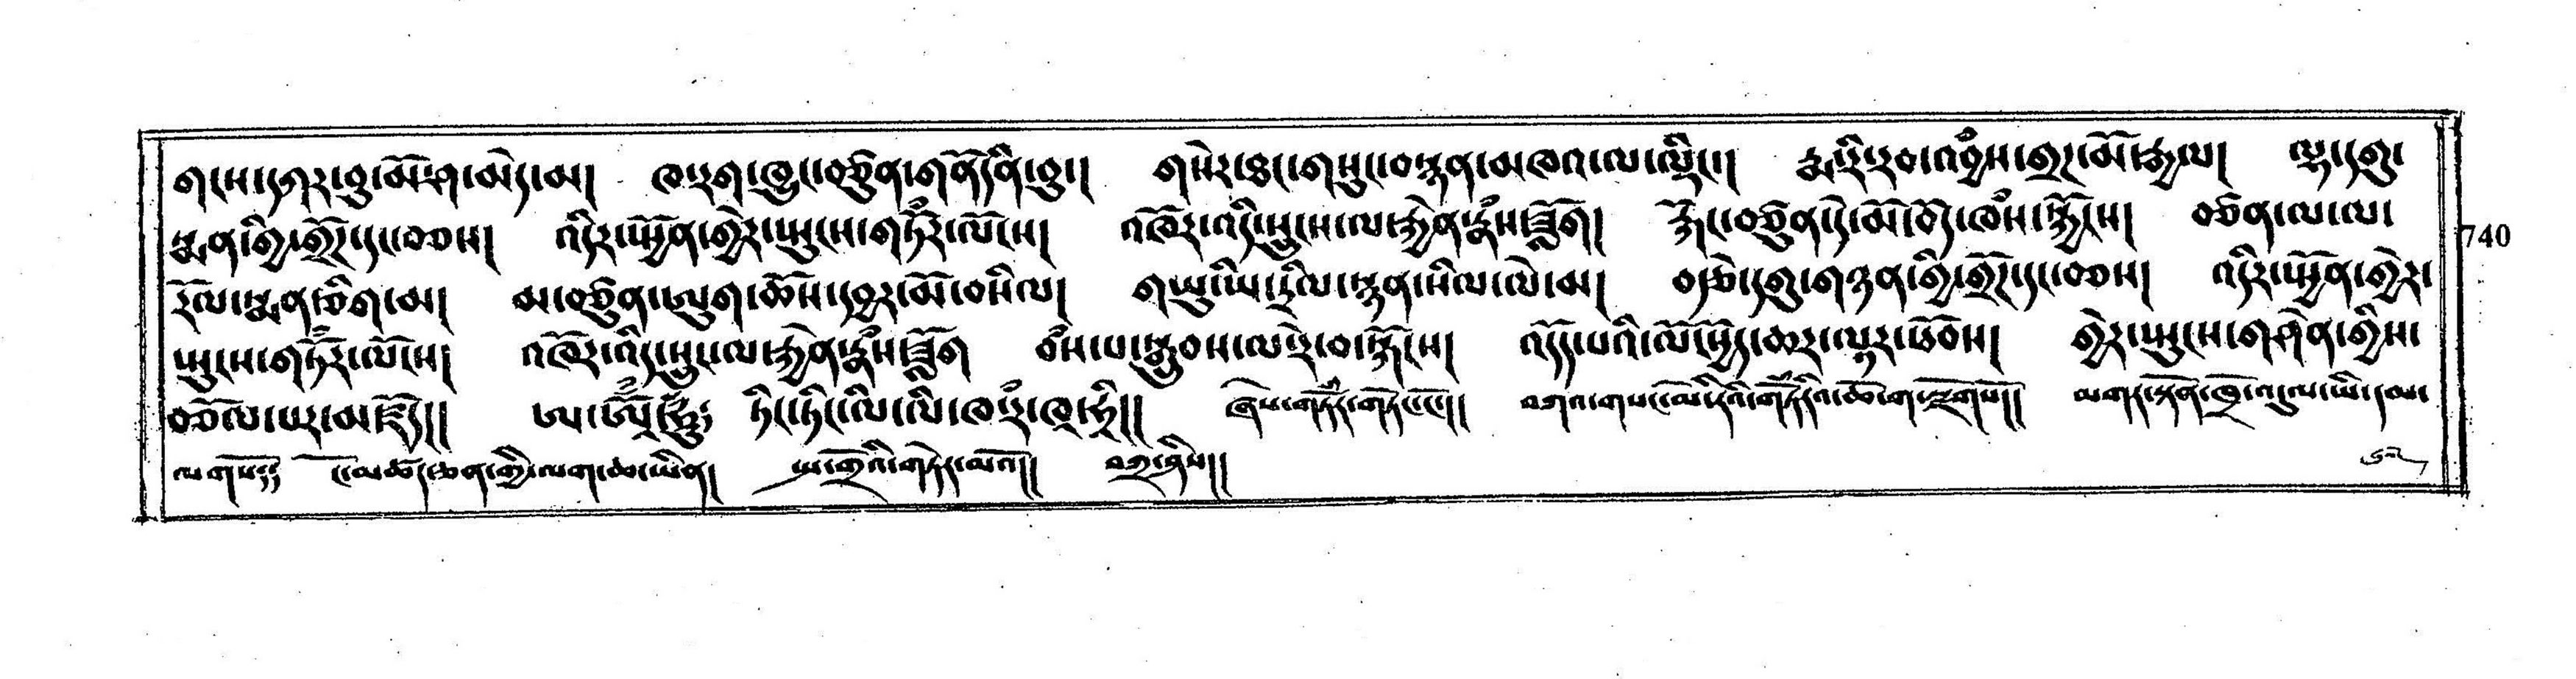གངས་དཀར་བུ་མོ་ཤ་མེད་མ། ཁ་རག་ཁྱུང་བཙུན་གནོད་སྦྱིན་བུ། གསེར་ཐང་གསུང་བསྙན་མཁའ་ལ་ལྡིང་། རྨ་རི་རབ་འབྱམས་གྲགས་མོ་རྒྱལ། ལྷ་དགུ་
སྨན་གྱི་གྲོགས་དང་བཅས། འདིར་སྤྱོན་གྱེར་སྤུངས་གཏོར་མ་ལོངས། འཁོར་འདི་སྲུངས་ལ་རྐྱེན་རྣམས་ཟློག རྐོང་བཙུན་དེ་མོ་བོད་ཁམས་སྐྱོངས། བཙན་ལ་ལ་
རོལ་སྨན་ཅིག་མ། མ་བཙུན་ཨུག་ཆོས་དབྱར་མོ་བསིལ། གཡུ་ཡི་དྲིལ་སྙན་སིལ་ལེ་མ། བརྩེ་དགུ་གཉན་གྱི་གྲོགས་དང་བཅས། འདིར་སྤྱོན་གྱེར་
སྤུངས་གཏོར་མ་ལོངས། འཁོར་འདི་སྲུང་ལ་རྐྱེན་རྣམས་ཟློག བསམ་པ་སྒྲུབས་ལ་རེ་བ་སྐོངས། འདོད་པའི་ལོངས་སྤྱོད་ཆར་ལྟར་ཕོབས། གྱེར་སྤུངས་གཤེན་གྱིས་
བཅོལ་པར་མཛོད།། ཨ་ཨཱོཾ་ཧཱུྃ ཏིང་ཏིང་ལི་ལི་ཁ་རཾ་ཁཱ་ཧཱི།། ཞེས་གཏོར་མ་གཏོང་ངོ་།། བཀའ་གསང་མེ་རིའི་གཏོར་མའི་ཆོ་ག་རྫོགས་སོ།། མགར་སྟོན་ཁྲོ་འདུལ་ཡི་དམ་
ལགས་སོ།། ངོ་མཚར་ཅན་གྱི་ལག་ཆ་ཡིན། སྤ་གྲོའི་གཏེར་མའོ།། བཀྲ་ཤིས།།